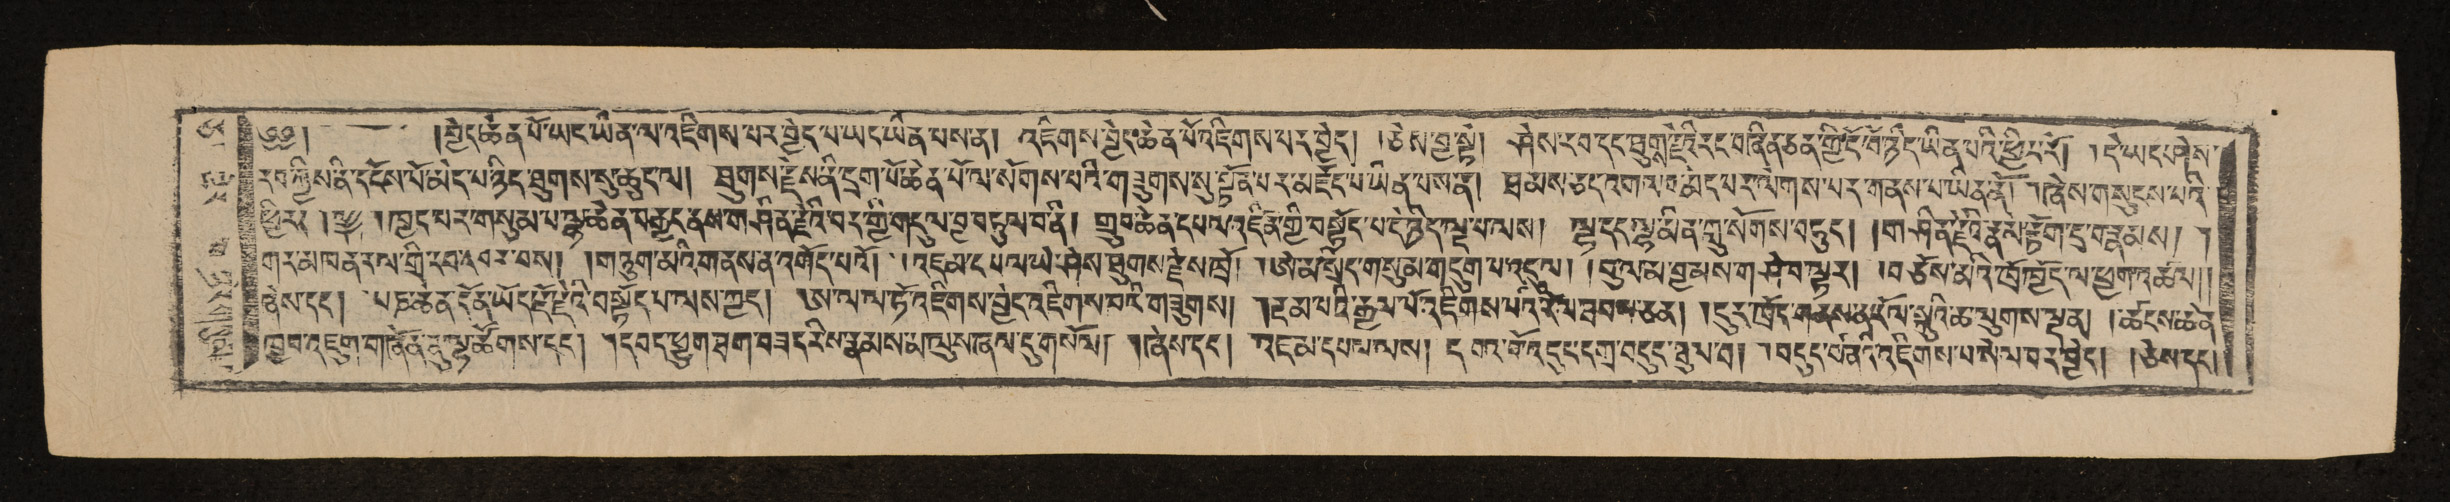༄༅། །བྱེད་ཆེན་པོ་ཡང་ཡིན་ལ་འཇིགས་པར་བྱེད་པ་ཡང་ཡིན་པས་ན། འཇིགས་བྱེད་ཆེན་པོ་འཇིགས་པར་བྱེད། །ཅེས་བྱ་སྟེ། ཤེས་རབ་དང་ཐུགས་རྗེའི་རང་བཞིན་ཅན་གྱི་ངོ་བོ་ཉིད་ཡིན་པའི་ཕྱིར་རོ། །དེ་ཡང་ཤེས་
རབ་ཀྱིས་ནི་དངོས་པོ་མེད་པ་ཉིད་ཐུགས་སུ་ཆུད་ལ། ཐུགས་རྗེས་ནི་དྲག་པོ་ཆེན་པོ་ལ་སོགས་པའི་གཟུགས་སུ་སྟོན་པར་མཛད་པ་ཡིན་པས་ན། ཐམས་ཅད་འགལ་བ་མེད་པར་ལེགས་པར་གནས་པ་ཡིན་ནོ། །ཞེས་གསུངས་པའི་
ཕྱིར༑ ༈ །ཁྱད་པར་གསུམ་པ་ལྷ་ཆེན་བརྒྱད་ནས་གཤིན་རྗེའི་བར་གྱི་གདུལ་བྱ་བཏུལ་བ་ནི། གྲུབ་ཆེན་དཔལ་འཛིན་གྱི་བསྟོད་པ་དེ་ཉིད་ལྔ་པ་ལས། ལྷ་དང་ལྷ་མིན་ཀླུ་སོགས་བཏུད། །གཤིན་རྗེའི་རྣམ་རྟོག་དྲ་བ་རྣམས། །
གར་མཁན་རལ་གྲི་རབ་འབར་བས། །གཉུག་མའི་གནས་ན་འགོད་པའོ། །འཇམ་དཔལ་ཡེ་ཤེས་ཐུགས་རྗེས་ཁྲོ། །ཨེ་མ་སྲིད་གསུམ་གདུག་པ་འདུལ། །བུ་ལ་མ་བྱམས་གཤེ་བ་ལྟར། །བཅོས་མའི་ཁྲོ་ཁྱོད་ལ་ཕྱག་འཚལ།།
ཞེས་དང་། པཎ་ཆེན་དོན་ཡོད་རྡོ་རྗེའི་བསྟོད་པ་ལས་ཀྱང་། ཨ་ལ་ལ་ཧོ་འཇིགས་བྱེད་འཇིགས་པའི་གཟུགས། །རྔམ་པའི་རྒྱལ་པོ་འཇིགས་པའི་རོལ་ཐབས་ཅན། །དུར་ཁྲོད་གནས་ན་རོལ་སྐུའི་ཆ་ལུགས་ལྡན། །ཚངས་ཆེན་
ཁྱབ་འཇུག་གཞེན་ནུ་ལྷ་ཚོགས་དང་། །དབང་ཕྱུག་ཐག་བཟང་རིས་རྣམས་མ་ལུས་ཞལ་དུ་གསོལ། །ཞེས་དང་། འཇམ་དཔལ་ལས། དཔའ་བོ་བདུད་དགྲ་བདུད་ཐུལ་བ། །བདུད་བཞིའི་འཇིགས་པ་སེལ་བར་བྱེད། །ཅེས་དང་།